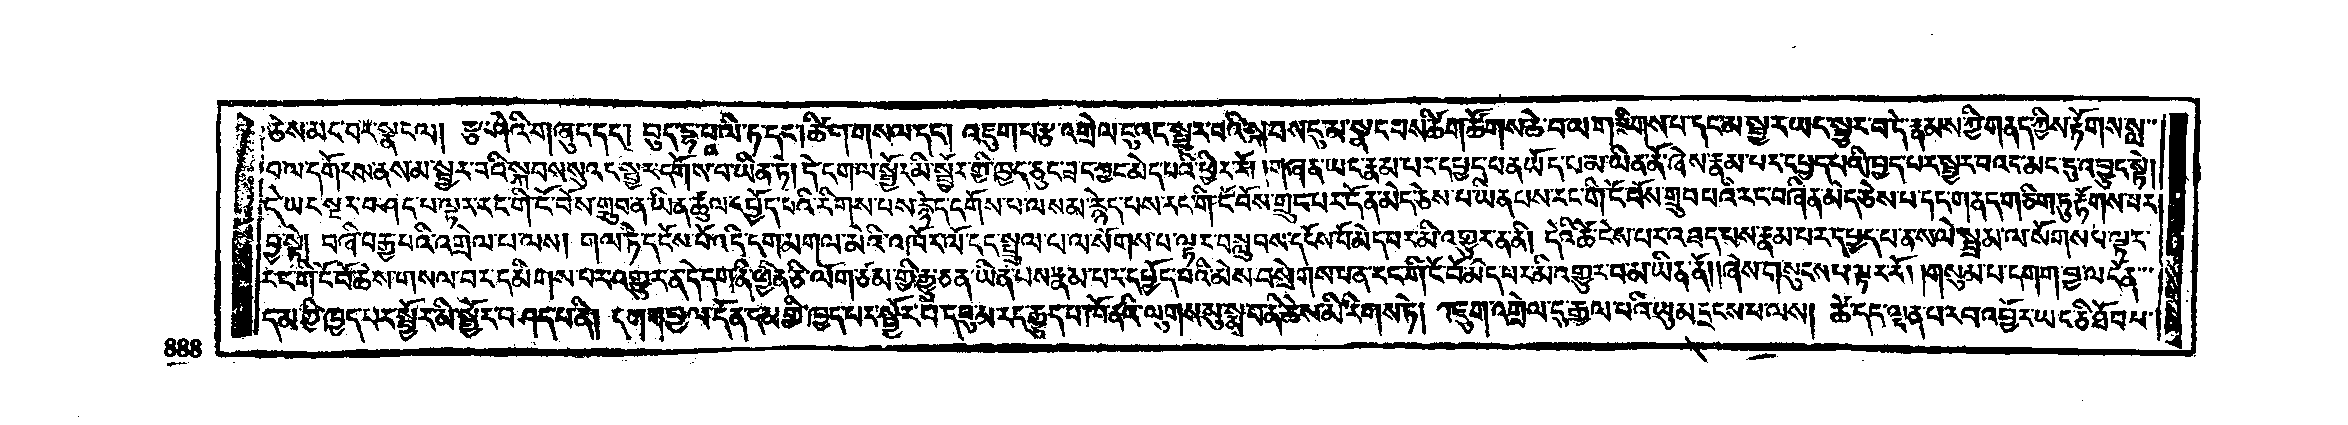ཆེས་མང་བར་སྣང་ལ། རྩ་ཤེའི་གཞུང་དང་། བུད་དྷ་པཱ་ལི་ཏ་དང་། ཚིག་གསལ་དང་། འཇུག་པ་རྩ་འགྲེལ་དུའང་སྦྱར་བའི་སྐབས་དུ་མ་སྣང་བས་ཚིག་ཚོགས་ཆེ་བ་ལ་གཟིགས་པ་དང་མ་སྦྱར་ཡང་སྦྱར་བ་དེ་རྣམས་ཀྱི་གནད་ཀྱིས་རྟོགས་སླ་
བ་ལ་དགོངས་ནས་མ་སྦྱར་བའི་སྐབས་སུའང་སྦྱར་དགོས་པ་ཡིན་ཏེ། དེ་དག་ལ་སྦྱོར་མི་སྦྱོར་གྱི་ཁྱད་ཅུང་ཟད་ཀྱང་མེད་པའི་ཕྱིར་རོ། །གཞན་ཡང་རྣམ་པར་དཔྱད་པ་ན་ཡོད་པ་མ་ཡིན་ནོ་ཞེས་རྣམ་པར་དཔྱད་པའི་ཁྱད་པར་སྦྱར་བའང་མང་དུ་འབྱུང་སྟེ།
དེ་ཡང་སྔར་བཤད་པ་ལྟར་རང་གི་ངོ་བོས་གྲུབ་ན་ཡིན་ཚུལ་དཔྱོད་པའི་རིགས་པས་རྙེད་དགོས་པ་ལས་མ་རྙེད་པས་རང་གི་ངོ་བོས་གྲུབ་པའི་དོན་མེད་ཅེས་པ་ཡིན་པས་རང་གི་ངོ་བོས་གྲུབ་པའི་རང་བཞིན་མེད་ཅེས་པ་དང་གནད་གཅིག་ཏུ་རྟོགས་པར་
བྱ་སྟེ༑ བཞི་བརྒྱ་པའི་འགྲེལ་པ་ལས། གལ་ཏེ་དངོས་པོ་འདི་དག་མགལ་མེའི་འཁོར་ལོ་དང་སྤྲུལ་པ་ལ་སོགས་པ་ལྟར་བསླུ་བས་དངོས་པོ་མེད་པར་མི་འགྱུར་ན་ནི། དེའི་ཚེ་ངེས་པར་འཐད་པས་རྣམ་པར་དཔྱད་པ་ན་ས་ལེ་སྦྲམ་ལ་སོགས་པ་ལྟར་
རང་གི་ངོ་བོ་ཆེས་གསལ་བར་དམིགས་པར་འགྱུར་ན་དེ་དག་ནི་ཕྱིན་ཅི་ལོག་ཙམ་གྱི་རྒྱུ་ཅན་ཡིན་པས་རྣམ་པར་དཔྱོད་པའི་མེས་བསྲེགས་པ་ན་རང་གི་ངོ་བོ་མེད་པར་མི་འགྱུར་བ་མ་ཡིན་ནོ། །ཞེས་གསུངས་པ་ལྟར་རོ། །གསུམ་པ་དགག་བྱ་ལ་དོན་
དམ་གྱི་ཁྱད་པར་སྦྱོར་མི་སྦྱོར་བཤད་པ་ནི། དགག་བྱ་ལ་དོན་དམ་གྱི་ཁྱད་པར་སྦྱོར་བ་དབུ་མ་རང་རྒྱུད་པ་ཁོ་ནའི་ལུགས་སུ་སྨྲ་བ་ནི་ཆེས་མི་རིགས་ཏེ། འཇུག་འགྲེལ་དུ་རྒྱལ་བའི་ཡུམ་དྲངས་པ་ལས། ཚེ་དང་ལྡན་པ་རབ་འབྱོར་ཡང་ཅི་ཐོབ་པ་